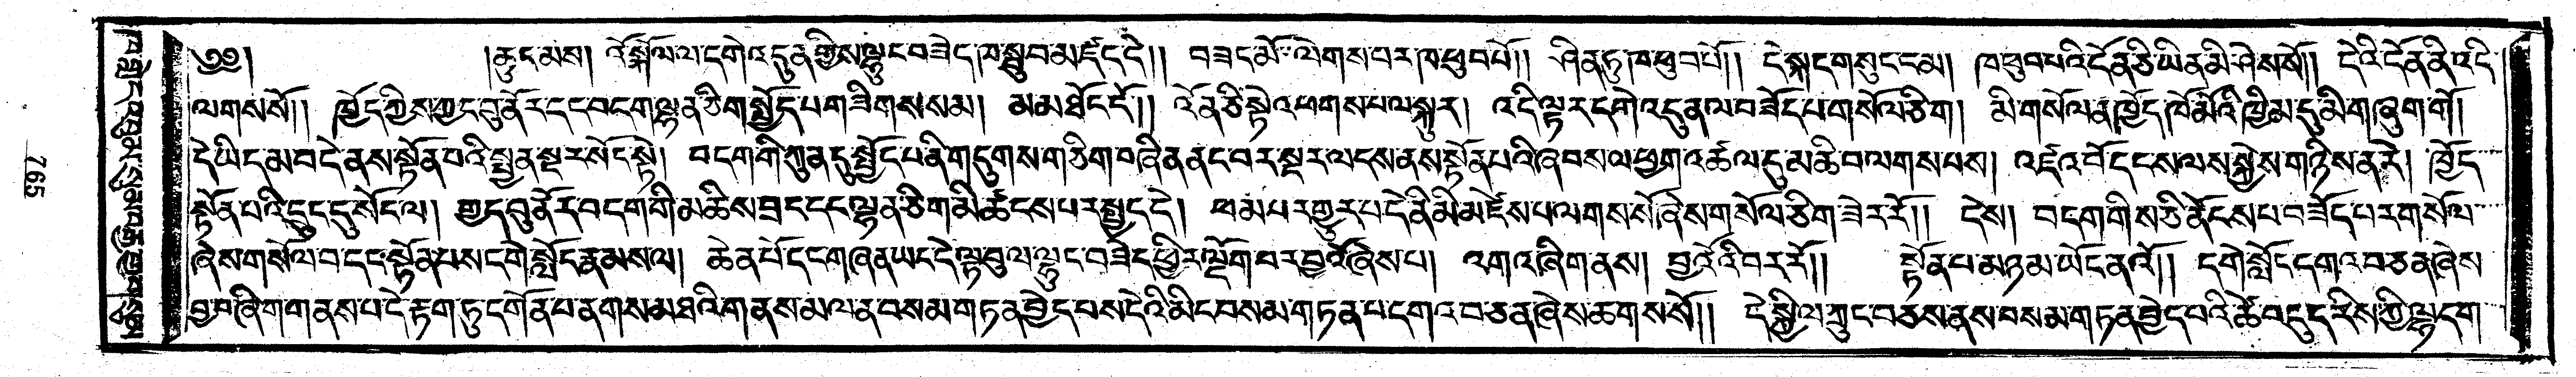༄༅། །ཆུང་མས། འོ་སྐོལ་ལ་དགེ་འདུན་གྱིས་ལྷུང་བཟེད་ཁ་སྦུབ་མཛད་དེ།། བཟང་མོ༑ ལེགས་པར་ཁ་ཕུབ་པོ།། ཤིན་ཏུ་ཁ་ཕུབ་པོ།། དེ་སྐད་གསུང་ངམ། ཁ་ཕུབ་པའི་དོན་ཅི་ཡིན་མི་ཤེས་སོ།། དེའི་དོན་ནི་འདི་
ལགས་སོ།། ཁྱོད་ཀྱིས་ཀྱང་བུ་ནོར་དང་བདག་ལྷན་ཅིག་སྤྱོད་པ་གཟིགས་སམ། མ་མཐོང་ངོ།། འོན་ཅི་སྟེ་འཕགས་པ་ལ་སྐུར། འདི་ལྟར་དགེ་འདུན་ལ་བཟོད་པ་གསོལ་ཅིག། མི་གསོལ་ན་ཁྱོད་ཁོ་མོའི་ཁྱིམ་དུ་མི་གཞུག་གོ།
དེ་ཡིད་མ་བདེ་ནས་སྟོན་པའི་སྤྱན་སྔར་སོང་སྟེ། བདག་གི་ཀུན་དུ་སྤྱོད་པ་ནི་གདུགས་གཅིག་བཞིན་ནང་བར་སྔར་ལངས་ནས་སྟོན་པའི་ཞབས་ལ་ཕྱག་འཚལ་དུ་མཆི་བ་ལགས་པས། འཛའ་བོ་དང་ས་ལས་སྐྱེས་གཉིས་ན་རེ། ཁྱོད་
སྟོན་པའི་དྲུང་དུ་སོང་ལ། གྱད་བུ་ནོར་བདག་གི་མཆིས་བྲང་དང་ལྷན་ཅིག་མི་ཚངས་པར་སྤྱད་དེ། ཕམ་པར་གྱུར་པ་དེ་ནི་མི་མཛེས་པ་ལགས་སོ་ཞེས་གསོལ་ཅིག་ཟེར་རོ།། དེས། བདག་གིས་ཅི་ནོངས་པ་བཟོད་པར་གསོལ་
ཞེས་གསོལ་བ་དང་སྟོན་པས་དགེ་སློང་རྣམས་ལ། ཆེན་པོ་དང་གཞན་ཡང་དེ་ལྟ་བུ་ལ་ལྷུང་བཟེད་ཕྱིར་ལྡོག་པར་བྱའོ་ཞེས་པ། འགའ་ཞིག་ནས། བྱའོའི་བར་རོ།། སྟོན་པ་མཉམ་ཡོང་ནའོ།། དགེ་སློང་དགའ་བ་ཅན་ཞེས་
བྱ་བ་ཞིག་གནས་པ་དེ་རྟག་ཏུ་དགོན་པ་ནགས་མཐའི་གནས་མལ་ན་བསམ་གཏན་བྱེད་པས་དེའི་མིང་བསམ་གཏན་པ་དགའ་བ་ཅན་ཞེས་ཆགས་སོ།། དེ་སྐྱིལ་ཀྲུང་བཅས་ནས་བསམ་གཏན་བྱེད་པའི་ཚེ་བདུད་རིས་ཀྱི་ལྷ་དག་